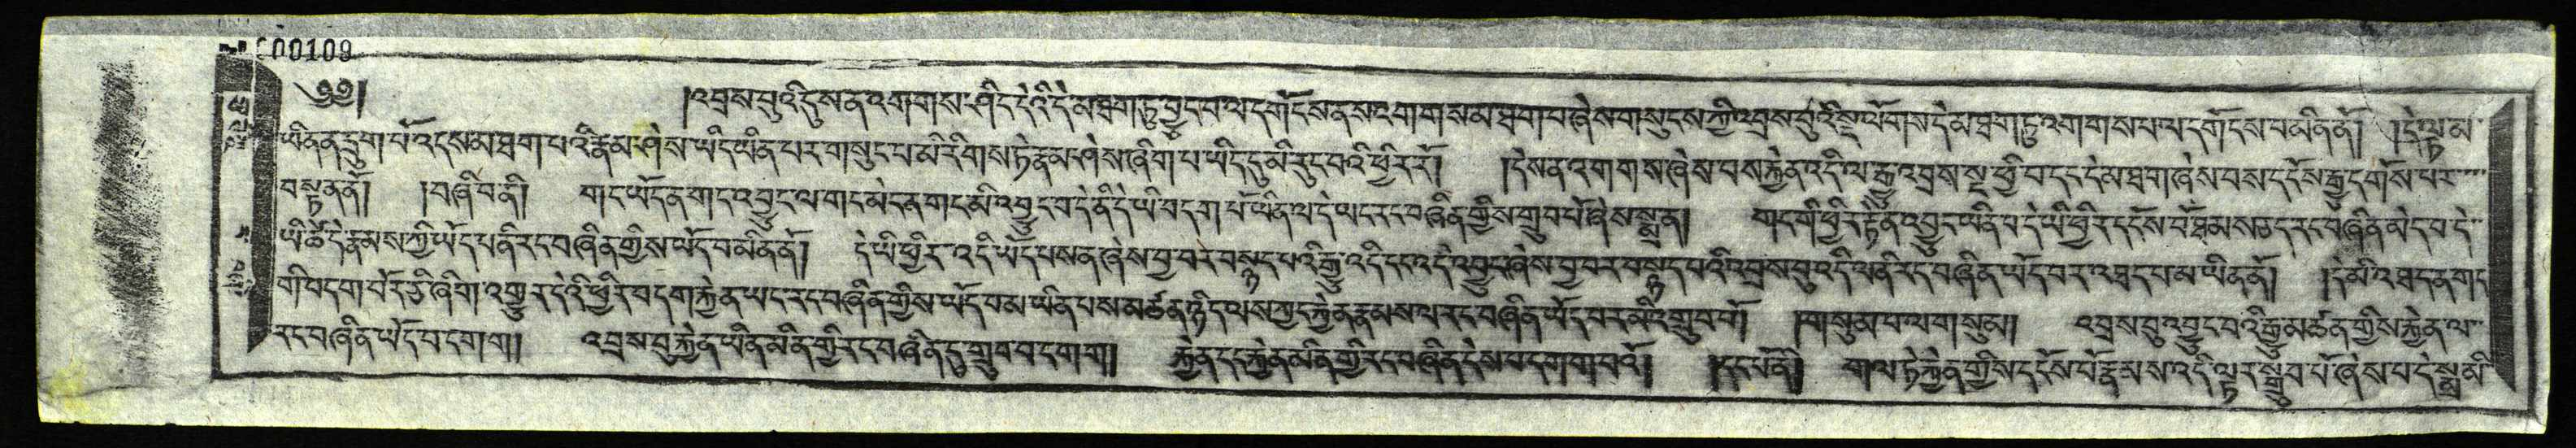༄༅། །འབྲས་བུའི་དུས་ན་འགགས་ཤིང་དེའི་དེ་མ་ཐག་ཏུ་བྱུང་བ་ལ་དགོངས་ནས་འགགས་མ་ཐག་པ་ཞེས་གསུངས་ཀྱི་འབྲས་བུའི་སྔ་ལོགས་དེ་མ་ཐག་ཏུ་འགགས་པ་ལ་དགོངས་པ་མིན་ནོ། །དེ་ལྟ་མ་
ཡིན་ན་དྲུག་པོ་འདས་མ་ཐག་པའི་རྣམ་ཤེས་ཡིད་ཡིན་པར་གསུང་པ་མི་རིགས་ཏེ་རྣམ་ཤེས་ཞིག་པ་ཡིད་དུ་མི་རུང་བའི་ཕྱིར་རོ། །དེས་ན་འགགས་ཞེས་པས་རྐྱེན་འདི་ལ་རྒྱུ་འབྲས་སྔ་ཕྱི་བ་དང་དེ་མ་ཐག་ཞེས་པས་དངོས་རྒྱུ་དགོས་པར་
བསྟན་ནོ། །བཞི་པ་ནི། གང་ཡོད་ན་གང་འབྱུང་ལ་གང་མེད་ན་གང་མི་འབྱུང་བ་དེ་ནི་དེ་ཡི་བདག་པོ་ཡིན་ལ་དེ་ཡང་རང་བཞིན་གྱིས་གྲུབ་པོ་ཞེས་སྨྲ་ན། གང་གི་ཕྱིར་རྟེན་འབྱུང་ཡིན་པ་དེ་ཡི་ཕྱིར་དངོས་པོ་ཐམས་ཅད་རང་བཞིན་མེད་པ་དེ་
ཡི་ཚེ་དེ་རྣམས་ཀྱི་ཡོད་པ་ནི་རང་བཞིན་གྱིས་ཡོད་པ་མིན་ནོ། དེ་ཡི་ཕྱིར་འདི་ཡོད་པས་ན་ཞེས་བྱ་བར་བསྙད་པའི་རྒྱུ་འདི་དང་འདི་འབྱུང་ཞེས་བྱ་བར་བསྙད་པའི་འབྲས་བུ་འདི་ལ་ནི་རང་བཞིན་ཡོད་པར་འཐད་པ་མ་ཡིན་ནོ། །དེ་མི་འཐད་ན་གང་
གི་བདག་པོར་ཅི་ཞིག་འགྱུར་དེའི་ཕྱིར་བདག་རྐྱེན་ཡང་རང་བཞིན་གྱིས་ཡོད་པ་མ་ཡིན་པས་མཚན་ཉིད་ལས་ཀྱང་རྐྱེན་རྣམས་ལ་རང་བཞིན་ཡོད་པར་མི་འགྲུབ་བོ། །གསུམ་པ་ལ་གསུམ། འབྲས་བུ་འབྱུང་བའི་རྒྱུ་མཚན་གྱིས་རྐྱེན་ལ་
རང་བཞིན་ཡོད་པ་དགག། འབྲས་བུ་རྐྱེན་ཡིན་མིན་གྱི་རང་བཞིན་དུ་གྲུབ་བ་དགག། རྐྱེན་དང་རྐྱེན་མིན་གྱི་རང་བཞིན་དེས་པ་དགག་པའོ། །དང་པོ་ནི། གལ་ཏེ་རྐྱེན་གྱིས་དངོས་པོ་རྣམས་འདི་ལྟར་སྒྲུབ་པོ་ཞེས་པ་དེ་སྨྲ་མི་